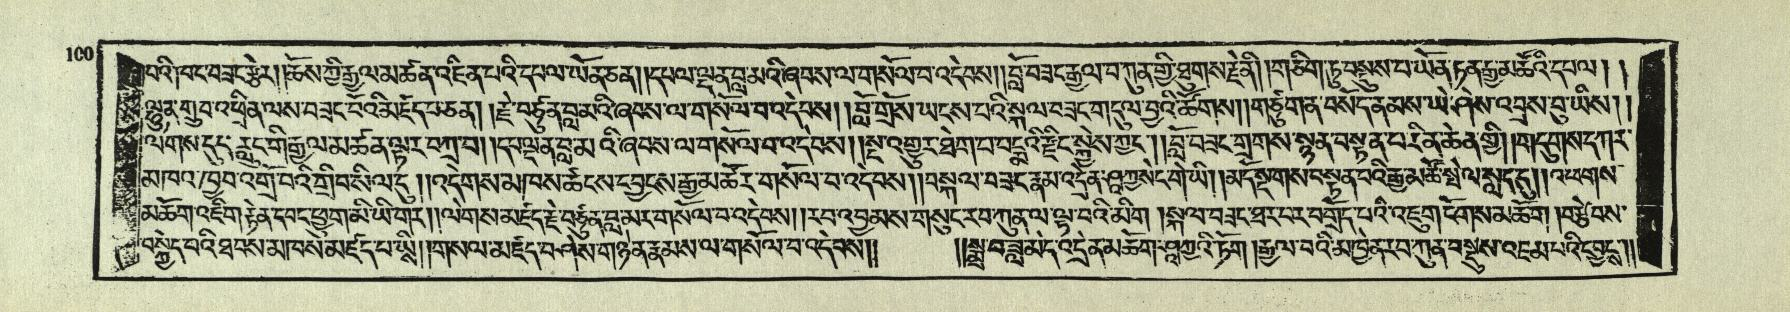པའི་ཁང་བཟང་རྩེར། །ཆོས་ཀྱི་རྒྱལ་མཚན་འཇིན་པའི་དཔལ་ཡོན་ཅན། །དཔལ་ལྡན་བླ་མའི་ཞབས་ལ་གསོལ་བ་འདེབས། །བློ་བཟང་རྒྱལ་བ་ཀུན་གྱི་ཐུགས་རྗེ་ནི། །གཅིག་ཏུ་བསྡུས་པ་ཡོན་ཏན་རྒྱ་མཚོའི་དཔལ། །
ལྷུན་གྲུབ་འཕྲིན་ལས་བཟང་པོའི་མཛད་པ་ཅན། །རྗེ་བཙུན་བླ་མའི་ཞབས་ལ་གསོལ་བ་འདེབས། །བློ་གྲོས་ཡངས་པའི་སྐལ་བཟང་གདུལ་བྱའི་ཚོགས། །གཙུག་ན་བསོད་ནམས་ཡེ་ཤེས་འབྲས་བུ་ཡིས། །
ལེགས་དུད་རླུང་གི་རྒྱལ་མཚན་ལྟར་བཀྲ་བ། །དཔལ་ལྡན་བླ་མའི་ཞབས་ལ་གསོལ་བ་འདེབས། །སྔ་འགྱུར་ཐེག་པ་པདམའི་རྫིང་སྐྱེས་ཀྱང་། །བློ་བཟང་གྲགས་སྙན་བསྟན་པ་རིན་ཆེན་གྱི། །གདུགས་དཀར་
མཁའ་ཁྱབ་འགྲོ་བའི་གྲིབ་སིལ་དུ། །འདེགས་མཁས་ཚངས་དབྱངས་རྒྱ་མཚོར་གསོལ་བ་འདེབས། །བསྐལ་བཟང་རྣམ་འདྲེན་ཤཱཀྱ་སེང་གེ་ཡི། །མདོ་སྔགས་བསྟན་པའི་རྒྱ་མཚོ་སྤེལ་སླད་དུ། །འཕགས་
མཆོག་འཇིག་རྟེན་དབང་ཕྱུག་མི་ཡི་གར། །ལེགས་མཛད་རྗེ་བཙུན་བླ་མར་གསོལ་བ་འདེབས། །རབ་འབྱམས་གསུང་རབ་ཀུན་ལ་ལྟ་བའི་མིག །སྐལ་བཟང་ཐར་པར་བགྲོད་པའི་འཇུག་དོགས་མཆོག །བརྩེབས་
བསྐྱེད་པའི་ཐབས་མཁས་མཛད་པ་ཡིས། །གསལ་མཛད་བཤེས་གཉེན་རྣམས་ལ་གསོལ་བ་འདེབས།། །།སྨྲ་བ་ཟླ་མེད་འདྲེན་མཆོག་ཤཱཀྱའི་ཏོག །རྒྱལ་བའི་མཁྱེན་རབ་ཀུན་བསྡུས་འཇམ་པའི་དབྱངས།།